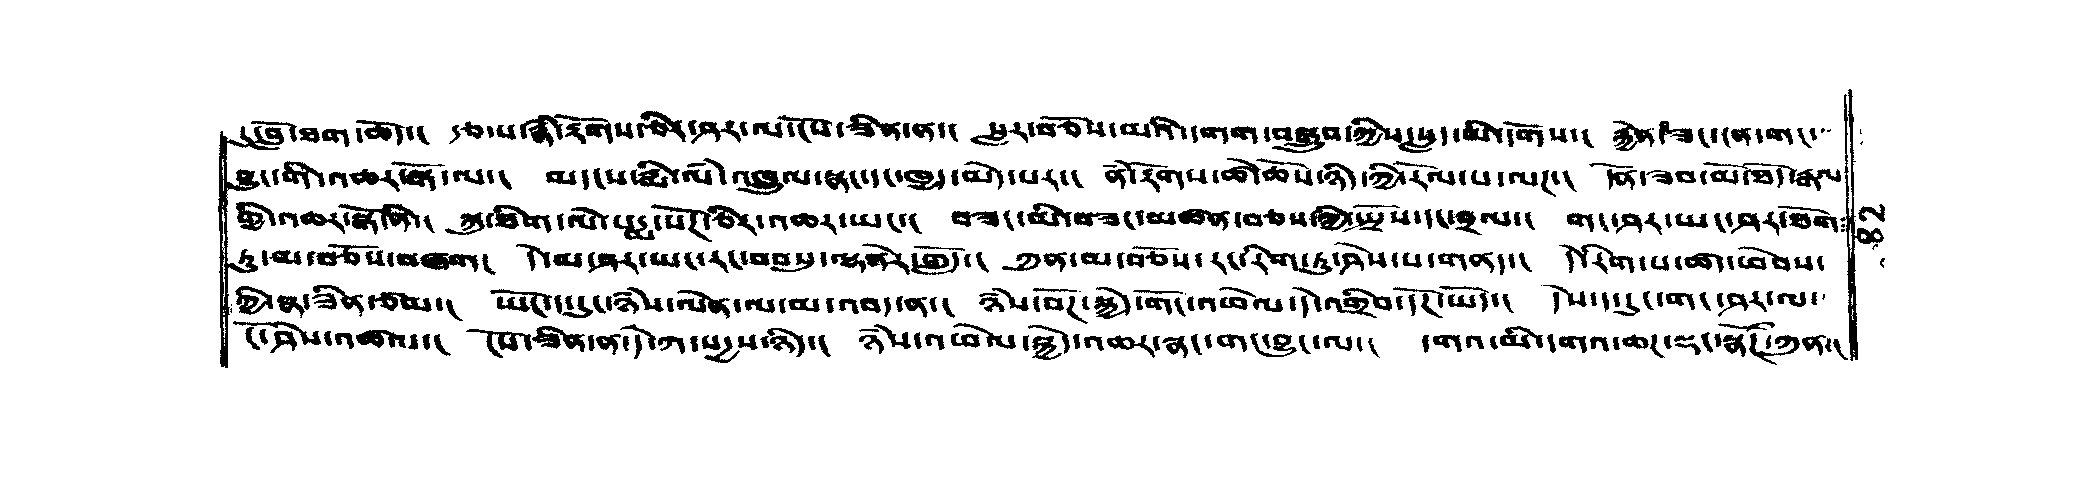དུ་བློ་ཐག་ཆོད། །རྩལ་རྣམ་རྟོག་ཅི་ཤར་ལ་ངོས་ཟིན་ན། །སླར་བཅོས་མའི་དགག་བསྒྲུབ་ཀྱིས་སླད་མི་དགོས། །རྐྱེན་བཟང་ངན་གང་
བྱུང་གི་འཆར་སྒོ་ལ། །མདང་རྨི་ལམ་འཁྲུལ་བ་དང་ཁྱད་མེད་པར། །རྣམ་རྟོག་ཚེ་ཆོས་ཉིད་ཀྱི་རོལ་བ་ལགས། །དོན་ཟབ་མོ་ཐོད་རྒལ་
གྱི་འཆར་སྒོ་ནི། །སྐུ་ཐིག་ལེ་པདྨ་སོགས་ཅིར་འཆར་ཡང་། །བཟང་མི་བཟང་མཚན་བཅས་ཀྱི་སྤྲོས་དང་བྲལ། །གང་ཤར་ཡང་ཤར་ཐོག་
ཏུ་མ་བཅོས་བཞག །དེ་མ་ཤར་ཡང་རང་བབས་སུ་ལྷན་ནེར་གློད། །ཀུན་མ་བཅོས་རང་རིག་ཏུ་ཤེས་པ་གནད། །དེ་རིག་པ་ཚད་ཕེབས་
ཀྱི་སྣ་ཟིན་ཙམ། །ཡོང་ད་དུང་ཉམས་ལེན་ལ་མ་འབད་ན། །ཉམས་བོགས་སྐྱེད་གོང་འཕེལ་དེ་འགྲིབ་དོགས་ཡོད། །དེས་ད་དུང་གང་ཤར་ལ་
ངོ་ཤེས་འཚལ། །ངོས་ཟིན་ན་དེ་ཀ་སངས་རྒྱས་ཉིད། །ཉམས་འཕེལ་སྐྱེད་འཆར་སྣང་གང་བྱུང་ལ། །དགའ་མི་དགའ་ཆགས་སྡང་སྣ་ཚོགས་ཀུན། །